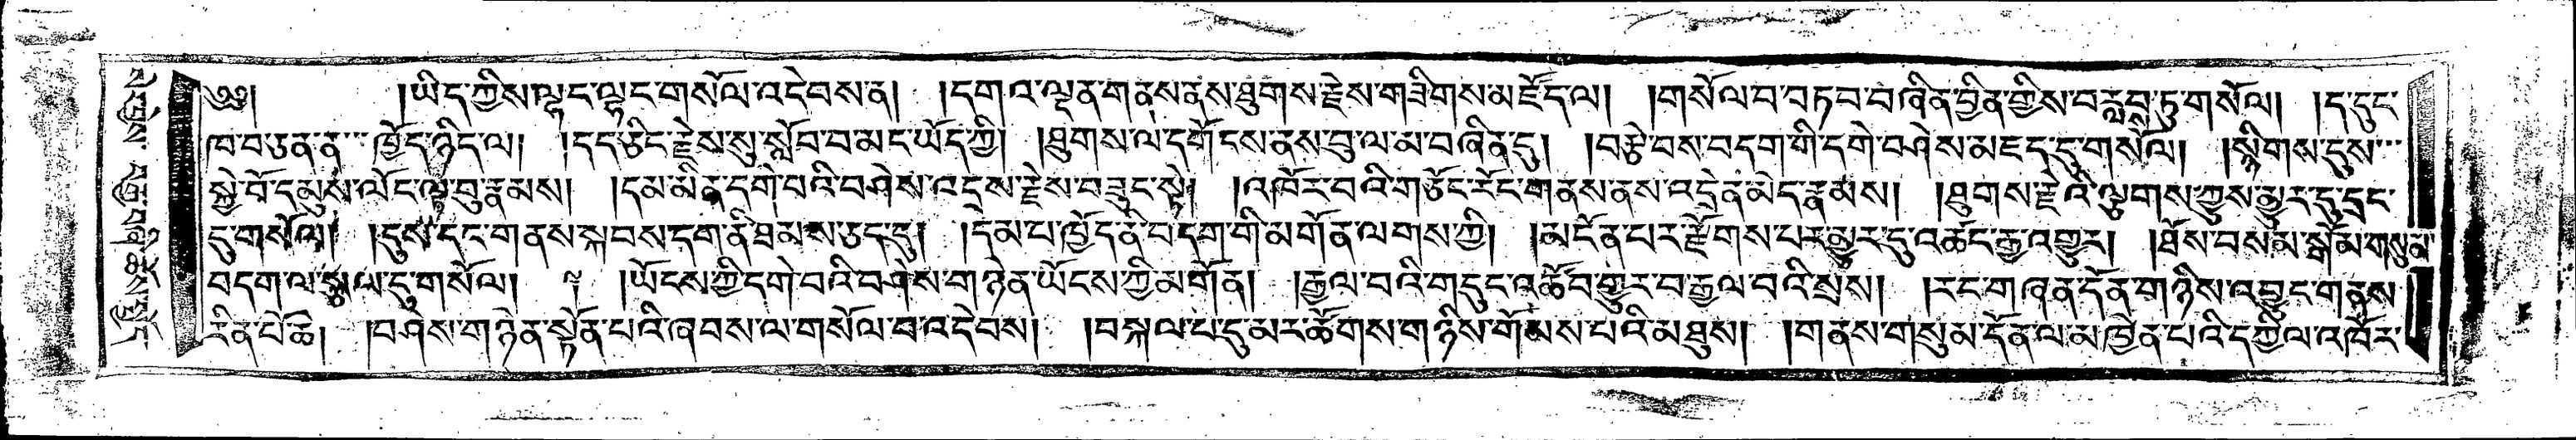༄༅། །ཡིད་ཀྱིས་ལྷང་ལྷང་གསོལ་འདེབས་ན། །དགའ་ལྡན་གནས་ནས་ཐུགས་རྗེས་གཟིགས་མཛོད་ལ། །གསོལ་བ་བཏབ་བཞིན་བྱིན་གྱིས་བརླབས་ཏུ་གསོལ། །ད་དུང་
ཁ་བ་ཅན་ན་ཁྱོད་ཉིད་ལ། །དད་ཅིང་རྗེས་སུ་སློབ་བ་མང་ཡོད་ཀྱི། །ཐུགས་ལ་དགོངས་ནས་བུ་ལ་མ་བཞིན་དུ། །བརྩེ་བས་བདག་གི་དགེ་བཤེས་མཇད་དུ་གསོལ། །སྙིགས་དུས་
སྐྱེ་བོ་དམུས་ལོང་ལྟ་བུ་རྣམས། །དམ་མིན་དགེ་བའི་བཤེས་འདྲས་རྗེས་བཟུང་སྟེ། །འཁོར་བའི་གཅོང་རོང་གནས་ནས་འདྲེན་མེད་རྣམས། །ཐུགས་རྗེའི་ལྕགས་ཀྱུས་མྱུར་དུ་དྲང་
དུ་གསོལ། །དུས་དང་གནས་སྐབས་དག་ནི་ཐམས་ཅད་དུ། །དམ་པ་ཁྱོད་ནི་བདག་གི་མགོན་ལགས་ཀྱི། །མངོན་པར་རྫོགས་པར་མྱུར་དུ་འཚང་རྒྱ་འགྱུར། །ཐོས་བསམ་སྒོམ་གསུམ་
བདག་ལ་སྩལ་དུ་གསོལ། ༈ །ཡོངས་ཀྱི་དགེ་བའི་བཤེས་གཉེན་ཡོངས་ཀྱི་མགོན། །རྒྱལ་བའི་གདུང་འཚོབ་གྱུར་བ་རྒྱལ་བའི་སྲས། །རང་གཞན་དོན་གཉིས་འབྱུང་གནས་
རིན་པོ་ཆེ། །བཤེས་གཉེན་སྟོན་པའི་ཞབས་ལ་གསོལ་བ་འདེབས། །བསྐལ་པ་དུ་མར་ཚོགས་གཉིས་གོམས་པའི་མཐུས། །གནས་གསུམ་དོན་ལ་མཁྱེན་པའི་དཀྱིལ་འཁོར་